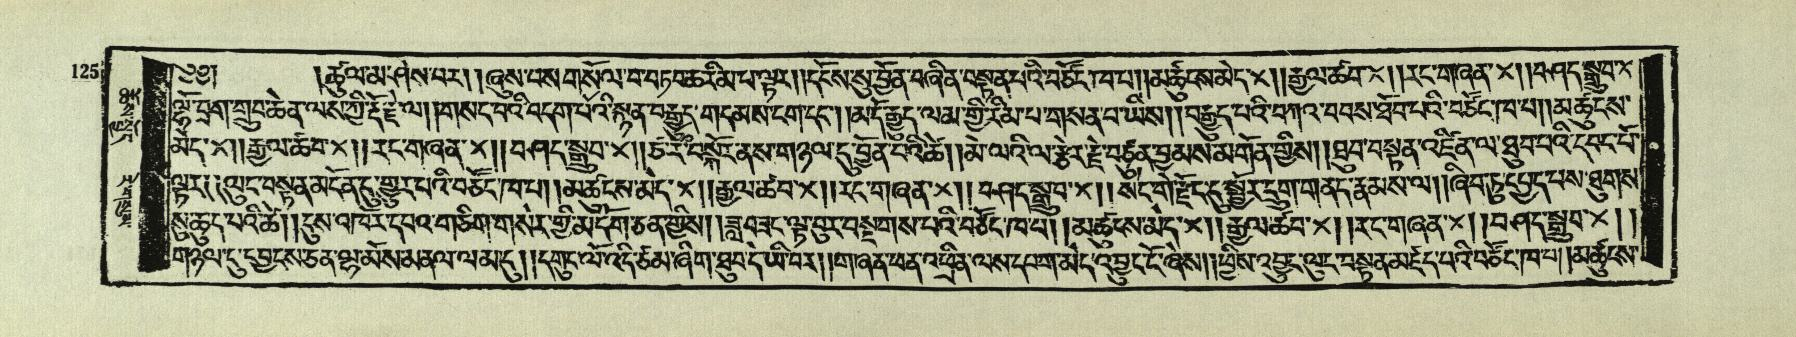༄༅། །ཚུལ་མ་ཤེས་པར། །ཞུས་པས་གསོལ་བ་བཏབ་ཆ་རིམ་པ་ལྟར། །དངོས་སུ་བྱོན་བཞིན་བསྟན་པའི་བཙོང་ཁ་པ། །མཚུངས་མེད་྾། །རྒྱལ་ཚབ་྾། །རང་གཞན་྾། །བཤད་སྒྲུབ་྾་
ལྷོ་བྲག་གྲུབ་ཆེན་ལས་ཀྱི་རྡོ་རྗེ་ལ། །གསང་བའི་བདག་པོའི་སྙན་བརྒྱུད་གདམས་ངག་དང་། །མདོ་རྒྱུད་ལམ་གྱི་རིམ་པ་གསན་པ་ཡིས། །བརྒྱུད་པའི་བཀའ་བབས་ཐོབ་པའི་བཙོང་ཁ་པ། །མཚུངས་
མེད་྾། །རྒྱལ་ཚབ་྾། །རང་གཞན་྾། །བཤད་སྒྲུབ་྾། །ཙ་ར་བསྐོར་ནས་གཉལ་དུ་བྱོན་པའི་ཚེ། །མེ་ལའི་ལ་རྩེར་རྗེ་བཙུན་བྱམས་མགོན་གྱིས། །ཐུབ་བསྟན་འཛིན་ལ་ཐུབ་པའི་དབང་པོ་
ལྟར༑ ༑ལུང་བསྟན་མངོན་དུ་གྱུར་པའི་བཙོང་ཁ་པ། །མཚུངས་མེད་྾། །རྒྱལ་ཚབ་྾། །རང་གཞན་྾། །བཤད་སྒྲུབ་྾། །སེང་གེ་རྫོང་དུ་སྦྱོར་དྲུག་གནད་རྣམས་ལ། །ཞིབ་ཏུ་དཔྱད་པས་ཐུགས་
སུ་ཆུད་པའི་ཚེ། །དུས་འཁོར་དཔའ་གཅིག་གསེར་གྱི་མདོག་ཅན་གྱིས། །ཟླ་བཟང་ལྟ་བུར་བསྔགས་པའི་བཙོང་ཁ་པ། །མཚུངས་མེད་྾། །རྒྱལ་ཚབ་྾། །རང་གཞན་྾། །བཤད་སྒྲུབ་྾། །
གཉལ་དུ་དབྱངས་ཅན་ལྷ་མོས་མནལ་ལམ་དུ། །དགུང་ལོ་འདི་ཙམ་ཞིག་ཐུབ་དེ་ཡི་བར། །གཞན་ཕན་འཕྲིན་ལས་དཔག་མེད་འབྱུང་ངོ་ཞེས། །ཕྱིས་འབྱུང་ལུང་བསྟན་མཛད་པའི་བཙོང་ཁ་པ། །མཚུངས་